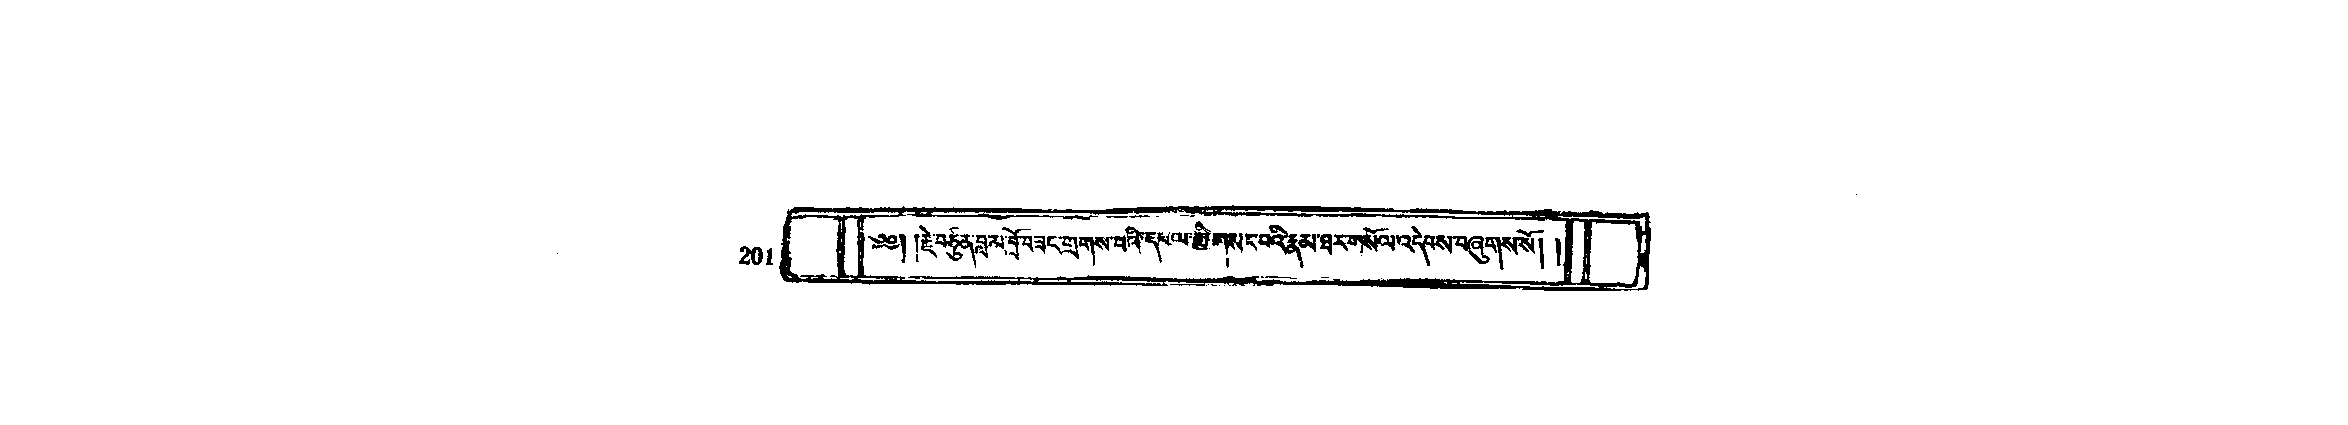༄༅། །རྗེ་བརྩུན་བླ་མ་བློ་བཟང་གྲགས་པའི་དཔལ་གྱི་གསང་བའི་རྣམ་ཐར་གསོལ་འདེབས་བཞུགས་སོ། །